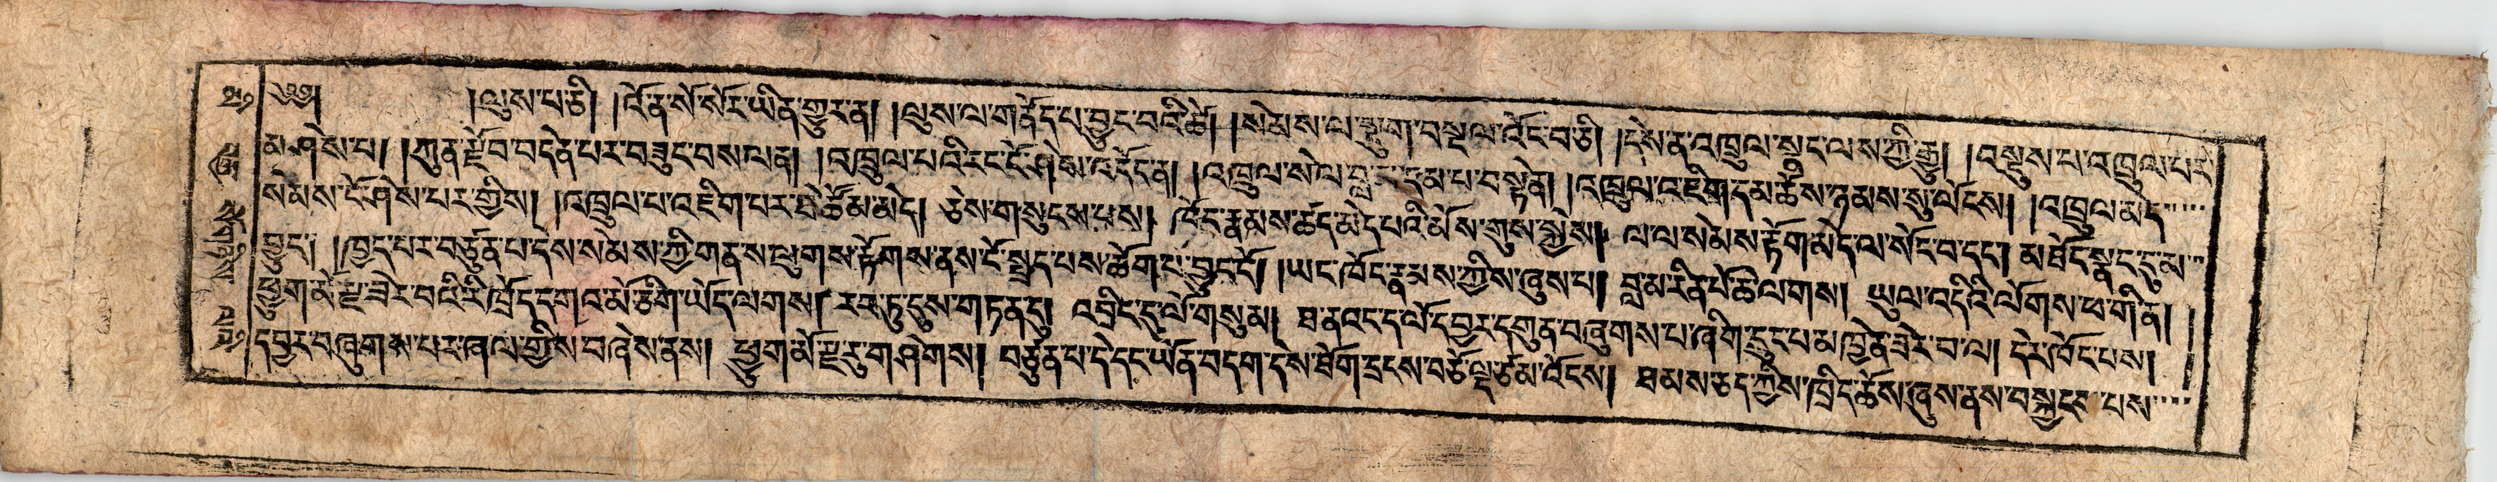ལུས་པ་ཅི། །ལུས་ལ་གནོད་པ་བྱུང་བའི་ཚེ། །སེམས་ལ་སྡུག་བསྔལ་འོང་བ་ཅི། །དེས་ན་འཁྲུལ་སྣང་ལས་ཀྱི་རྒྱུ། །བསྡུས་པ་འཁྲུལ་པར་
མ་ཤེས་པ། །ཀུན་རྫོབ་བདེན་པར་བཟུང་བས་ལན། །འཁྲུལ་པའི་རང་ངོ་ཤེས་འདོད་ན། །འཁྲུལ་སེལ་བླ་མ་དམ་པ་བསྟེན། །འཁྲུལ་འཇིག་དམ་ཆོས་ཉམས་སུ་ལོངས། །འཁྲུལ་མེད་
སེམས་ངོ་ཤེས་པར་གྱིས། །འཁྲུལ་པ་འཇིག་པར་ཐེ་ཚོམ་མེད། ཅེས་གསུངས་པས། ཁོང་རྣམས་ཚད་མེད་པའི་མོས་གུས་སྐྱེས། ལ་ལ་སེམས་རྟོག་མེད་ལ་སོང་བ་དང་། མཐོང་སྣང་དུ་མ་
བྱུང་། །ཁྱད་པར་བཙུན་པ་དེས་སེམས་ཀྱི་གནས་ལུགས་རྟོགས་ནས་ངོ་སྤྲད་པས་ཆོག་པ་བྱུང་ངོ་། །ཡང་ཁོང་རྣམས་ཀྱིས་ཞུས་པ། བླ་མ་རིན་པོ་ཆེ་ལགས། ཡུལ་འདིའི་ལོགས་ཕ་གི་ན། །
ཕྱུག་མོ་རྫ་ཟེར་བའི་རི་ཁྲོད་དགའ་མོ་ཅིག་ཡོད་ལགས། རབ་ཏུ་དུས་གཏན་དུ། འབྲིང་དུ་ལོ་གསུམ། ཐ་ནའང་ད་ལོ་དབྱར་དགུན་བཞུགས་པ་ཞིག་དྲུང་པ་མཁྱེན་ཟེར་བ་ལ། དེར་ཁོང་པས། 
དབྱར་བཞུགས་པར་ཞལ་གྱིས་བཞེས་ནས། ཕྱུག་མོ་རྫ་རུ་གཤེགས། བཙུན་པ་དེ་དང་ཡོན་བདག་དེས་ཐོག་དྲངས་བཅོ་ལྔ་ཙམ་འོངས། ཐམས་ཅད་ཀྱིས་ཁྲིད་ཆོས་ཞུས་ནས་བསྐྱང་པས་